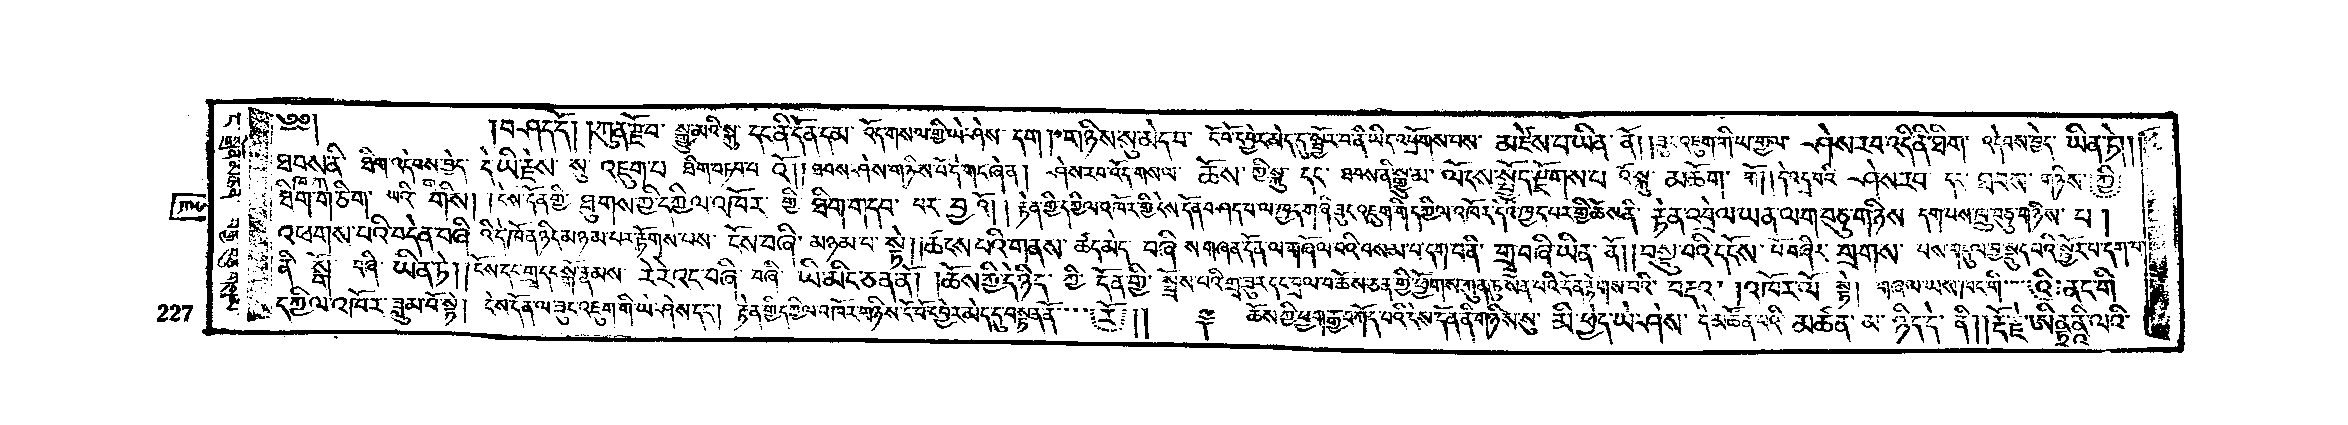༄༅། །བཤད་དོ། །ཀུན་རྫོབ་སྒྱུ་མའི་སྐུ་དང་ནི་དོན་དམ་འོད་གསལ་གྱི་ཡེ་ཤེས་དག །གཉིས་སུ་མེད་པ་ངོ་བོ་དབྱེར་མེད་དུ་སྦྱོར་པ་ནི་ཡིད་འཕྲོགས་པས་མཛེས་པ་ཡིན་ནོ། །ཟུང་འཇུག་གི་ཡ་གྱལ་ཤེས་རབ་འདི་ནི་ཐིག་འདེབས་བྱེད་ཡིན་ཏེ།།
ཐབས་ནི་ཐིག་འདེབས་བྱེད་དེ་ཡི་རྗེས་སུ་འཇུག་པ་ཐིག་བཏབ་པའོ། །ཐབས་ཤེས་གཉིས་པོ་དེ་གང་ཞེ་ན། ཤེས་རབ་འོད་གསལ་ཆོས་ཀྱི་སྐུ་དང་ཐབས་ནི་སྒྱུ་མ་ལོངས་སྤྱོད་རྫོགས་པའི་སྐུ་མཆོག་གོ། །དེ་འདྲ་བའི་ཤེས་རབ་དང་ཐབས་གཉིས་ཀྱི་
ཐིག་ཀ་ཁ་?་གཅིག་ཀ་པའི་ག་གིས། །ངེས་དོན་གྱི་ཐུགས་ཀྱི་དཀྱིལ་འཁོར་གྱི་ཐིག་གདབ་པར་བྱའོ། ། རྟེན་གྱི་དཀྱིལ་འཁོར་གྱི་ངེས་དོན་བཤད་པ་ལ་ཁྱད་གཞི་ཟུང་འཇུག་གི་དཀྱིལ་འཁོར་དེའི་ཁྱད་པར་གྱི་ཆོས་ནི་རྟེན་འབྲེལ་ཡན་ལག་བཅུ་གཉིས་དག་པས་ཁྲུ་བཅུ་གཉིས་པ།
འཕགས་པའི་བདེན་བཞིའི་དེ་ཁོ་ན་ཉིད་མཉམ་པར་རྟོགས་པས་ངོས་བཞི་མཉམ་པ་སྟེ། །ཚངས་པའི་གནས་ཚད་མེད་བཞིས་གཞན་དོན་ལ་གཞོལ་བའི་བསམ་པ་དག་པ་ནི་གྲྭ་བཞི་ཡིན་ནོ། །བསྡུ་བའི་དངོས་པོ་བཞིར་གྲགས་པས་གདུལ་བྱ་སྡུད་པའི་སྦྱོར་པ་དག་པ་
ནི་སྒོ་བཞི་ཡིན་ཏེ། ། ངོས་དང་གྲྭ་དང་སྒོ་རྣམས་རེ་རེའང་བཞི་བཞི་ཡི་མིང་ཅན་ནོ། །ཆོས་ཀྱི་དེ་ཉིད་ཀྱི་དོན་གྱི་སྤྲོས་པའི་གྲྭ་ཟུར་དང་བྲལ་བ་ཆོས་ཅན་གྱི་ཕྱོགས་ཀུན་ཏུ་སོན་པའི་དོན་རྟོགས་པའི་བརྡའ། །འཁོར་ལོ་སྟེ། གཞལ་ཡས་ཁང་གི་འི་ནང་གི་
དཀྱིལ་འཁོར་ཟླུམ་པོ་སྟེ། ངེས་དོན་ལ་ཟུང་འཇུག་གི་ཡེ་ཤེས་དང་། རྟེན་གྱི་དཀྱིལ་འཁོར་གཉིས་ངོ་བོ་དབྱེར་མེད་དུ་བསྟན་ནོ་རོ། ། ༈ ཆོས་ཀྱི་ཕྱག་རྒྱ་བཀོད་པའི་ངེས་དོན་ནི་གཉིས་སུ་མི་ཕྱེད་ཡེ་ཤེས་དེ་མཚོན་པའི་མཚན་མ་ཉིད་དེ་ནི། །རྡོ་རྗེ་ཨིནྟྲ་ནཱི་ལའི་